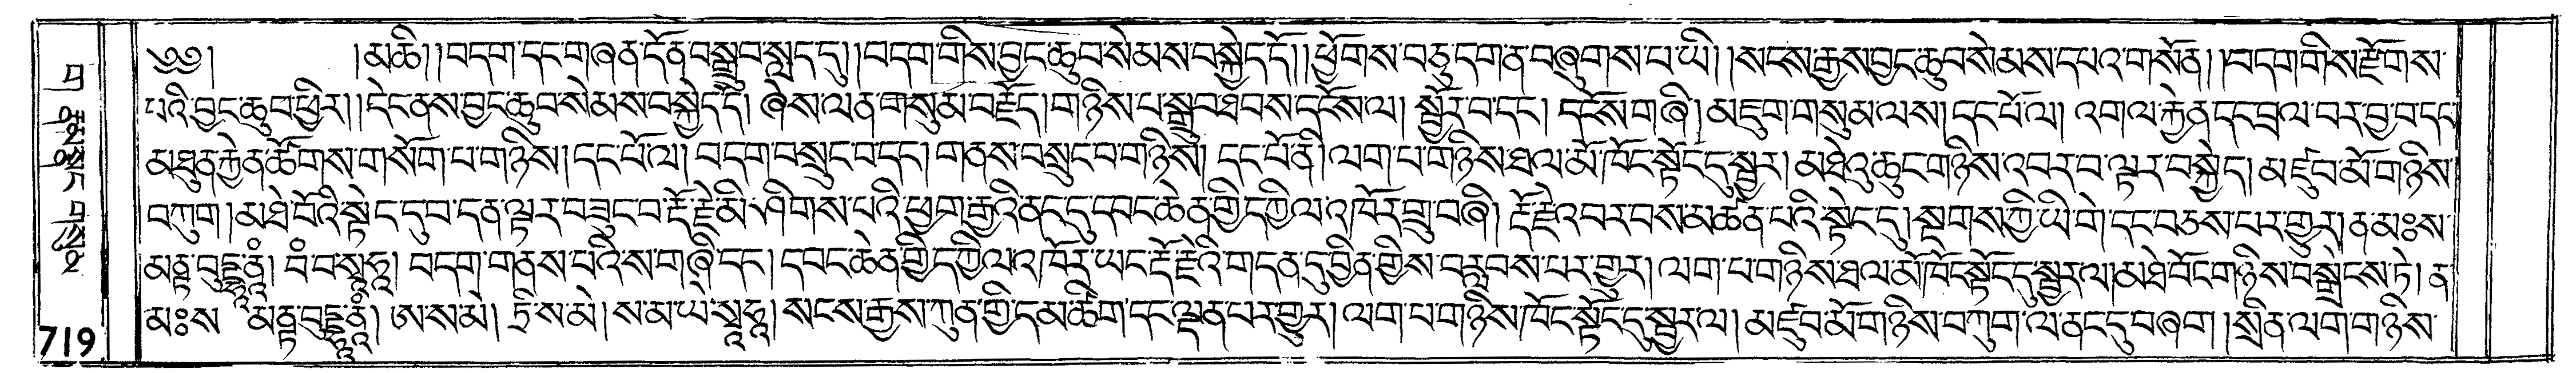༄༅། །མཆི། །བདག་དང་གཞན་དོན་བསྒྲུབ་སླད་དུ། །བདག་གིས་བྱང་ཆུབ་སེམས་བསྐྱེད་དོ། །ཕྱོགས་བཅུ་དག་ན་བཞུགས་པ་ཡི། །སངས་རྒྱས་བྱང་ཆུབ་སེམས་དཔའ་གསོན། །བདག་གིས་རྫོགས་
པའི་བྱང་ཆུབ་ཕྱིར། །དེང་ནས་བྱང་ཆུབ་སེམས་བསྐྱེད་དོ། ཞེས་ལན་གསུམ་བརྗོད། གཉིས་པ་སྒྲུབ་ཐབས་དངོས་ལ། སྦྱོར་བ་དང་། དངོས་གཞི། མཇུག་གསུམ་ལས། དང་པོ་ལ། འགལ་རྐྱེན་དང་བྲལ་བར་བྱ་བ་དང་
མཐུན་རྐྱེན་ཚོགས་གསོག་པ་གཉིས། དང་པོ་ལ། བདག་བསྲུང་བ་དང་། གནས་བསྲུང་བ་གཉིས། དང་པོ་ནི། ལག་པ་གཉིས་ཐལ་མོ་ཁོང་སྟོང་དུ་སྦྱར། མཐེའུ་ཆུང་གཉིས་འབར་བ་ལྟར་བསྐྱེད། མཛུབ་མོ་གཉིས་
བཀུག །མཐེ་བོའི་སྟེང་དུ་བ་དན་ལྟར་བཟུང་བ་རྡོ་རྗེ་མི་ཤིགས་པའི་ཕྱག་རྒྱའི་ནང་དུ་དབང་ཆེན་གྱི་དཀྱིལ་འཁོར་གྲུ་བཞི། རྡོ་རྗེ་འབར་བས་མཚན་པའི་སྟེང་དུ། སྔགས་ཀྱི་ཡི་གེ་དང་བཅས་པར་གྱུར། ན་མཿ ས་
མནྟ་བུདྡྷཱ་ནཱཾ། བཾ་བ་སྭཱཧཱ། བདག་གནས་པའི་ས་གཞི་དང་། དབང་ཆེན་གྱི་དཀྱིལ་འཁོར་ཡང་རྡོ་རྗེའི་གདན་དུ་བྱིན་གྱིས་བརླབས་པར་གྱུར། ལག་པ་གཉིས་ཐལ་མོ་ཁོང་སྟོང་དུ་སྦྱར་ལ། མཐེ་བོང་གཉིས་བསྒྲེངས་ཏེ། ན་
མཿ ས་མནྟ་བུདྡྷཱ་ནཱཾ། ཨ་ས་མེ། ཏྲི་ས་མེ། ས་མ་ཡེ་སྭཱཧཱ། སངས་རྒྱས་ཀུན་གྱི་དམ་ཚིག་དང་ལྡན་པར་གྱུར། ལག་པ་གཉིས་ཁོང་སྟོང་དུ་སྦྱར་ལ། མཛུབ་མོ་གཉིས་བཀུག་ལ་ནང་དུ་བཞག །སྲིན་ལག་གཉིས་